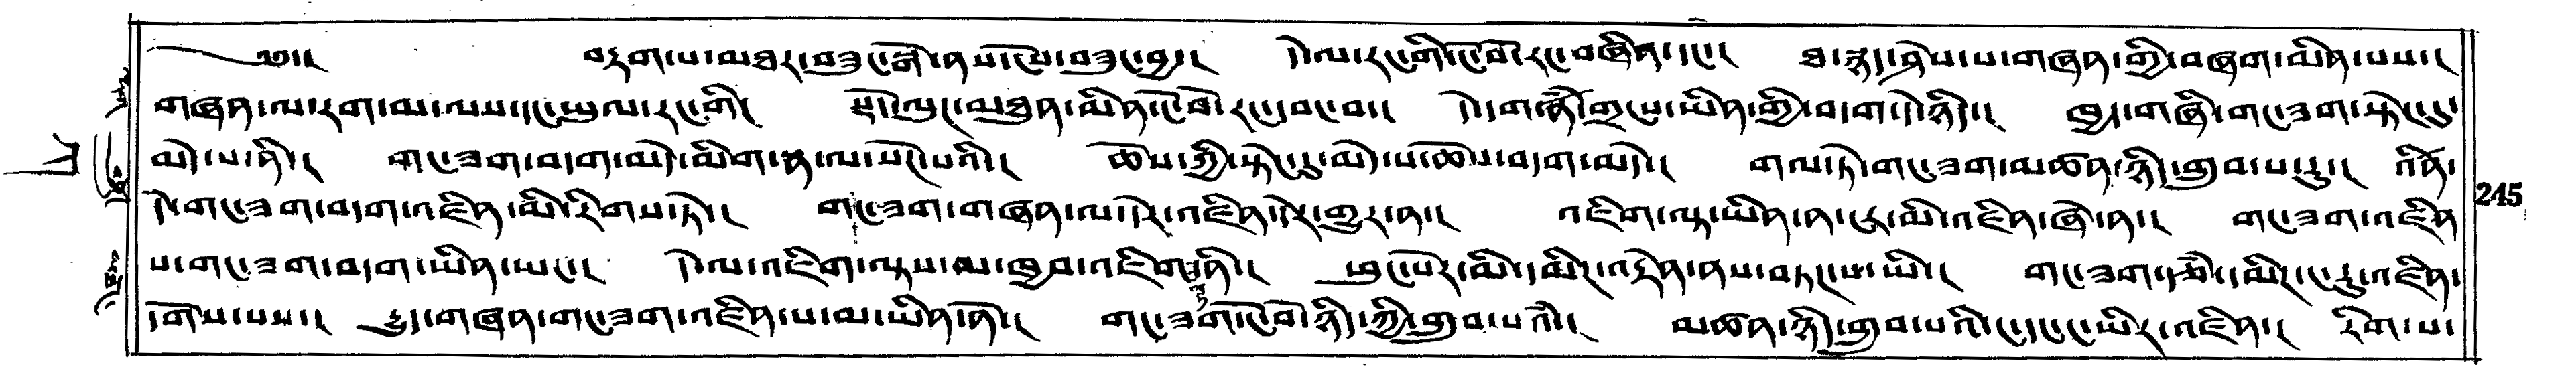།བརྟག་པ་མཐར་བཟུང་སྒོ་ནས་ངོས་བཟུང་བྱ། །དེ་ལ་རང་གི་ངོ་བོ་རང་བཞིན་དང་། །ཐ་སྙད་ཤེས་པ་གཞན་གྱི་གཞག་མིན་པས། །
གཞན་ལ་རག་མ་ལས་དང་ཡུལ་རང་གི །སྡོད་ལུགས་མཐུན་མིན་ངོ་བོ་རང་དབང་བ། །དེ་དག་རྣམ་གྲངས་ཡིན་གྱི་བདག་དེ་ཉིད། ཁྱད་གཞི་གང་ཟག་སྟེང་དུ་
མེད་པ་ནི། །གང་ཟག་བདག་མེད་མིག་སྣ་ལ་སོགས་པའི། །ཆོས་ཀྱི་སྟེང་དུ་མེད་པ་ཆོས་བདག་མེད། །གལ་ཏེ་གང་ཟག་མཚན་ཉིད་གྲུབ་པ་རུ། །འཛིན་
དེ་གང་ཟག་བདག་འཛིན་མི་རིགས་ཏེ། །གང་ཟག་གཞན་ལ་དེར་འཛིན་དེར་གྱུར་ན། །འཇིག་ལྟ་ཡིན་ན་ངར་མི་འཛིན་ཞེ་ན། །གང་ཟག་འཛིན་
པ་གང་ཟག་བདག་ཡིན་ཡང་། །དེ་ལ་འཇིག་ལྟས་མ་ཁྱབ་འཇིག་ལྟ་ནི། །ཕུང་པོར་མི་དམིགས་བརྟེན་ནས་བཏགས་པ་ཡི། །གང་ཟག་ཙམ་དམིགས་ང་རུ་འཛིན་
དགོས་པས། །རྒྱུད་གཞན་གང་ཟག་འཛིན་པ་མ་ཡིན་ནོ། །གང་ཟག་ངོ་བོ་ཉིད་ཀྱི་གྲུབ་པའམ། །མཚན་ཉིད་གྲུབ་པའི་ང་དང་ང་ཡིར་འཛིན། །རིགས་པས་